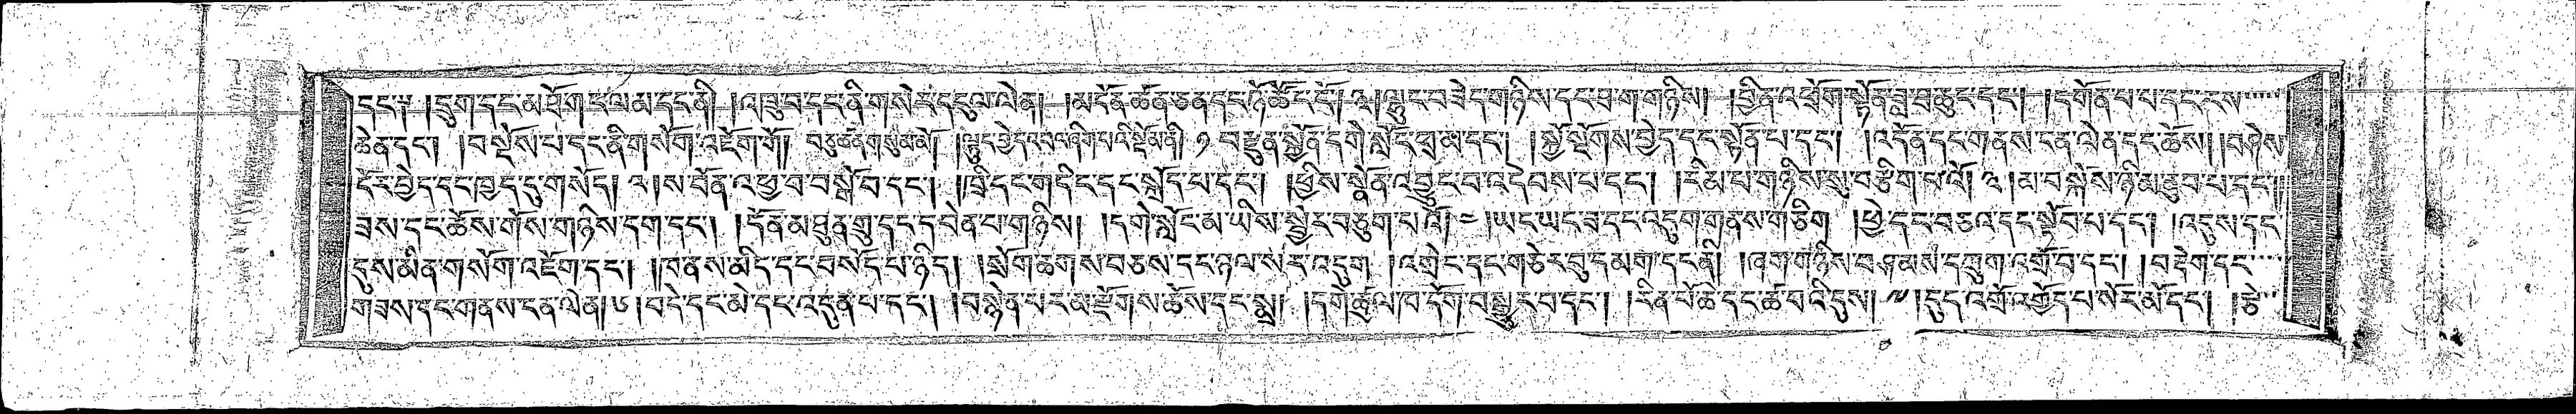དང༑ །དྲུག་དང་མཐོ་གང་ལམ་དང་ནི། །འཁྲུ་བ་དང་ནི་གསེར་དངུལ་ལེན། །མངོན་ཚན་ཅན་དང་ཉོ་ཚོང་ངོ། །ལྷུང་བཟེད་གཉིས་དང་ཐ་ག་གཉིས། །བྱིན་འཕྲོག་སྟོན་ཟླ་ཐ་ཆུང་དང་། །དགོན་པ་པ་དང་རས་
ཆེན་དང་། །བསྡོས་པ་དང་ནི་གསོག་འཇོག་གོ །བཅུ་ཚན་གསུམ་མོ། །ལྟུང་བྱེད་འབའ་ཞིག་པའི་སྡོམ་ནི། བརྫུན་སྐྱོན་དགེ་སློང་ཕྲ་མ་དང་། །སྐྱོ་སྔོགས་བྱེད་དང་སྟོན་པ་དང་། །འདོན་དང་གནས་ངན་ལེན་དང་ཆོས། །བཤེས་
ངོར་བྱེད་དང་ཁྱད་དུ་གསོད། །ས་བོན་འཕྱ་བ་བསྒོ་བ་དང་། །ཁྲི་དང་གདིང་དང་སྐྲོད་པ་དང་། །ཕྱིས་སྣོན་འབྱུང་བ་འདེབས་པ་དང་། །རིམ་པ་གཉིས་སུ་བརྩིག་པའོ། །མ་བསྐོས་ཉི་མ་ནུབ་པ་དང་། །
ཟས་དང་ཆོས་གོས་གཉིས་དག་དང་། །དོན་མཐུན་གྲུ་དང་དབེན་པ་གཉིས། །དགེ་སློང་མ་ཡིས་སྦྱོར་བཅུག་པའོ། །ཡང་ཡང་ཟ་དང་འདུག་གནས་གཅིག །ཕྱེ་དང་བཅའ་དང་སྟོབ་པ་དང་། །འདུས་དང་
དུས་མིན་གསོག་འཇོག་དང་། །ཁ་ནས་མིད་དང་བསོད་པ་ཉིད། །སྲོག་ཆགས་བཅས་དང་ཉལ་སར་འདུག །འགྲེང་དང་གཅེར་བུ་དམག་དང་ནི། །ཞག་གཉིས་བཤམས་དཀྲུག་འགྲོ་བ་དང་། །བརྡེག་དང་
གཟས་དང་གནས་ངན་ལེན། །བདེ་དང་མེ་དང་འདུན་པ་དང་། །བསྙེན་པར་མ་རྫོགས་ཆོས་དང་སྨྲ། །དགེ་ཚུལ་ཁ་དོག་བསྒྱུར་བ་དང་། །རིན་པོ་ཆེ་དང་ཚ་བའི་དུས། །དུད་འགྲོ་འགྱོད་པ་སོར་མོ་དང་། །རྩེ་